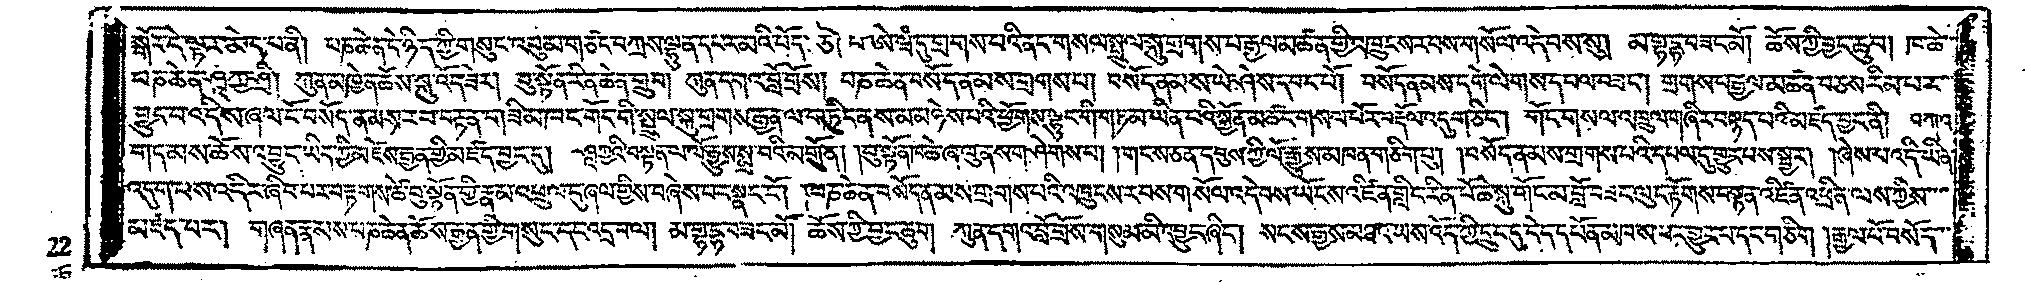སྒོར་དེ་ལྟར་མེད་པ་ནི། པཎ་ཆེན་དེ་ཉིད་ཀྱི་གསུང་འབུམ་གཙང་བཀྲས་ལྷུན་དཔར་མའི་པོད་ཅ}་པ་ཨེ་ཝཾ་དུ་གྲགས་པའི་ནང་གསལ་སྤྲུལ་སྐུ་གྲགས་པ་རྒྱལ་མཚན་གྱི་འཁྲུངས་རབས་གསོལ་འདེབས་སུ། མ་གྷ་དྷ་བཟང་མོ། ཆོས་ཀྱི་བྱང་ཆུབ། ཁ་ཆེ་
པཎ་ཆེན་ཤཱཀྱ་ཤྲི། ཀུན་མཁྱེན་ཆོས་སྐུ་འོད་ཟེར། བུ་སྟོན་རིན་ཆེན་གྲུབ། ཀུན་དགའ་བློ་གྲོས། པཎ་ཆེན་བསོད་ནམས་གྲགས་པ། བསོད་ནམས་ཡེ་ཤེས་དབང་པོ། བསོད་ནམས་དགེ་ལེགས་དཔལ་བཟང་། གྲགས་པ་རྒྱལ་མཚན་བཅས་རིམ་པར་
བྱུང་བ་འདིས་ཞལ་ངོ་བསོད་ནམས་རབ་བརྟན་གཟིམ་ཁང་གོང་གི་སྤྲུལ་སྐུ་གྲགས་རྒྱན་ལ་གཏིང་ནས་མ་མཉེས་པའི་ཕྱོགས་ལྷུང་གི་གཏམ་ཡིན་པའི་སྐྱོན་མཚང་གསལ་པོར་བརྡོལ་འདུག་ཅིང་། གོང་གསལ་འཁྲུལ་གཞིར་བསྙད་པའི་མཛད་བྱང་ནི། བཀའ་
གདམས་ཆོས་འབྱུང་ཡིད་ཀྱི་མཛེས་རྒྱན་གྱི་མཛད་བྱང་དུ། ཤཱཀྱའི་བསྟན་ལ་ལོ་རྒྱུས་སྨྲ་བའི་མགོན། །བུ་སྟོན་ཁ་ཆེ་ཞ་ལུ་ནས་གཤེགས་པ། །གངས་ཅན་དབུས་ཀྱི་ལོ་རྒྱུས་མཁན་གཅིག་པུ། །བསོད་ནམས་གྲགས་པའི་དཔལ་དུ་གྱུར་པས་སྦྱར། །ཞེས་པ་འདི་ཡིན་
འདུག་པས་འདིར་ཞིབ་པར་བརྟགས་ཚེ་བུ་སྟོན་གྱི་རྣམ་འཕྲུལ་དུ་ཞལ་གྱིས་བཞེས་པར་སྣང་ངོ། །པཎ་ཆེན་བསོད་ནམས་གྲགས་པའི་འཁྲུངས་རབས་གསོལ་འདེབས་ཡོངས་འཛིན་གླིང་རིན་པོ་ཆེ་སྐུ་གོང་མ་བློ་བཟང་ལུང་རྟོགས་བསྟན་འཛིན་འཕྲིན་ལས་ཀྱིས་
མཛད་པར། གཞན་རྣམས་པཎ་ཆེན་ཆོས་རྒྱན་གྱི་གསུང་དང་འདྲ་བ་ལ། མ་གྷ་དྷ་བཟང་མོ། ཆོས་ཀྱི་བྱང་ཆུབ། ཀུན་དགའ་བློ་གྲོས་གསུམ་མི་འབྱུང་ཞིང་། སངས་རྒྱས་མཐའ་ཡས་འོད་ཀྱི་དྲུང་དུ་དེད་དཔོན་མཁས་པར་གྱུར་པ་དང་གཅིག །རྒྱལ་པོ་བསོད་